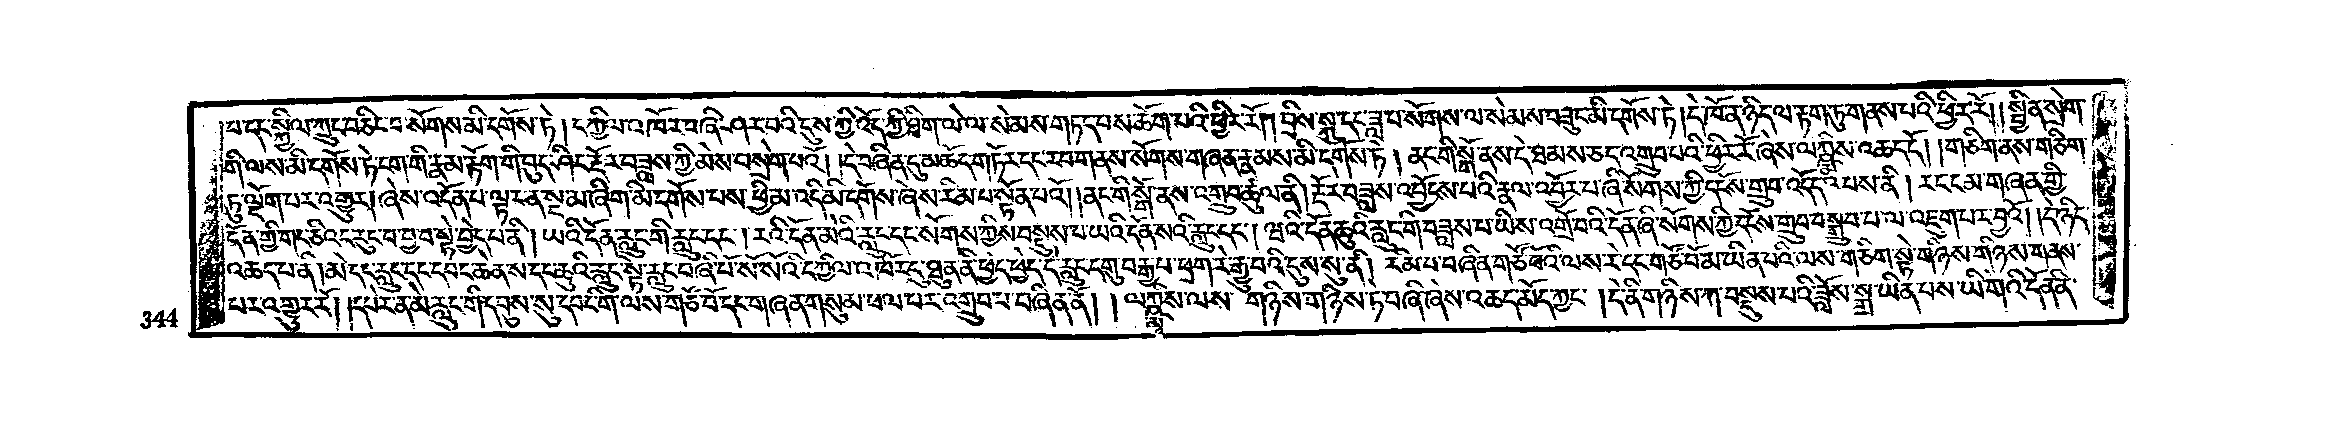པ་དང་སྐྱིལ་ཀྲུང་བཅིང་བ་སོགས་མི་དགོས་ཏེ། དཀྱིལ་འཁོར་བཞི་ཤར་བའི་དུས་ཀྱི་འོད་ཀྱི་ཐིག་ལེ་ལ་སེམས་གཏད་པས་ཆོག་པའི་ཕྱིར་རོ། །བྲིས་སྐུ་དང་ཟླ་བ་སོགས་ལ་སེམས་བཟུང་མི་དགོས་ཏེ། དེ་ཁོ་ན་ཉིད་ལ་རྟག་ཏུ་གནས་པའི་ཕྱིར་རོ། །སྦྱིན་སྲེག་
གི་ལས་མི་དགོས་ཏེ་ངག་གི་རྣམ་རྟོག་གི་བུད་ཤིང་རྡོར་བཟླས་ཀྱི་མེས་བསྲེག་པའོ། །དེ་བཞིན་དུ་མཆོད་གཏོར་དང་རབ་གནས་སོགས་གཞན་རྣམས་མི་དགོས་ཏེ། ནང་གི་སྒོ་ནས་དེ་ཐམས་ཅད་འགྲུབ་པའི་ཕྱིར་རོ་ཞེས་ལཀྵྨཱིས་འཆད་དོ། །གཅིག་ནས་གཅིག་
ཏུ་ལྡོག་པར་འགྱུར། ཞེས་འདོན་པ་ལྟར་ན་སྔ་མ་ཞིག་མི་དགོས་པས་ཕྱི་མ་འདི་མི་དགོས་ཞེས་རིམ་པ་སྟོན་པའོ། །ནང་གི་སྒོ་ནས་འགྲུབ་ཚུལ་ནི། རྡོར་བཟླས་འབྱོངས་པའི་རྣལ་འབྱོར་པ་ཞི་སོགས་ཀྱི་དངོས་གྲུབ་འདོད་པས་ནི། རང་ངམ་གཞན་གྱི་
དོན་གྱི་གང་ཅིའང་རུང་བ་བྱ་བ་སྟེ་བྱེད་པ་ནི། ཡའི་དོན་རླུང་གི་རླུང་དང་། རའི་དོན་མེའི་རླུང་དང་སོགས་ཀྱིས་བསྡུས་པ་ཡའི་དོན་སའི་རླུང་དང་། ཝའི་དོན་ཆུའི་རླུང་གི་བཟླས་པ་ཡིས་འགྲོ་བའི་དོན་ཞི་སོགས་ཀྱི་དངོས་གྲུབ་བསྒྲུབ་པ་ལ་འཇུག་པར་བྱའོ། །དེ་ཉིད་
འཆད་པ་ནི། མེ་དང་རླུང་དང་དབང་ཆེན་ས་དང་ཆུའི་རླུང་སྟེ་རླུང་བཞི་པོ་སོ་སོའི་དཀྱིལ་འཁོར་དུ་ཐུན་ནི་ཕྱེད་ཕྱེད་དེ་རླུང་དགུ་བརྒྱ་པ་ཕྲག་རེ་རྒྱུ་བའི་དུས་སུ་ནི། རིམ་པ་བཞིན་གཙོ་བོའི་ལས་རེ་དང་གཙོ་བོ་མ་ཡིན་པའི་ལས་གཅིག་སྟེ་གཉིས་གཉིས་གནས་
པར་འགྱུར་རོ། །དཔེར་ན་མེ་རླུང་གི་དབུས་སུ་དབང་གི་ལས་གཙོ་བོ་དང་གཞན་གསུམ་ཕལ་པར་འགྲུབ་པ་བཞིན་ནོ། །ལཀྵྨཱིས་ལས་གཉིས་གཉིས་ཏེ་བཞི་ཞེས་འཆད་མོད་ཀྱང་། དེ་ནི་གཉིས་ཀ་བསྡུས་པའི་ཟློས་སྒྲ་ཡིན་པས་ཡི་གེའི་དོན་ནི་